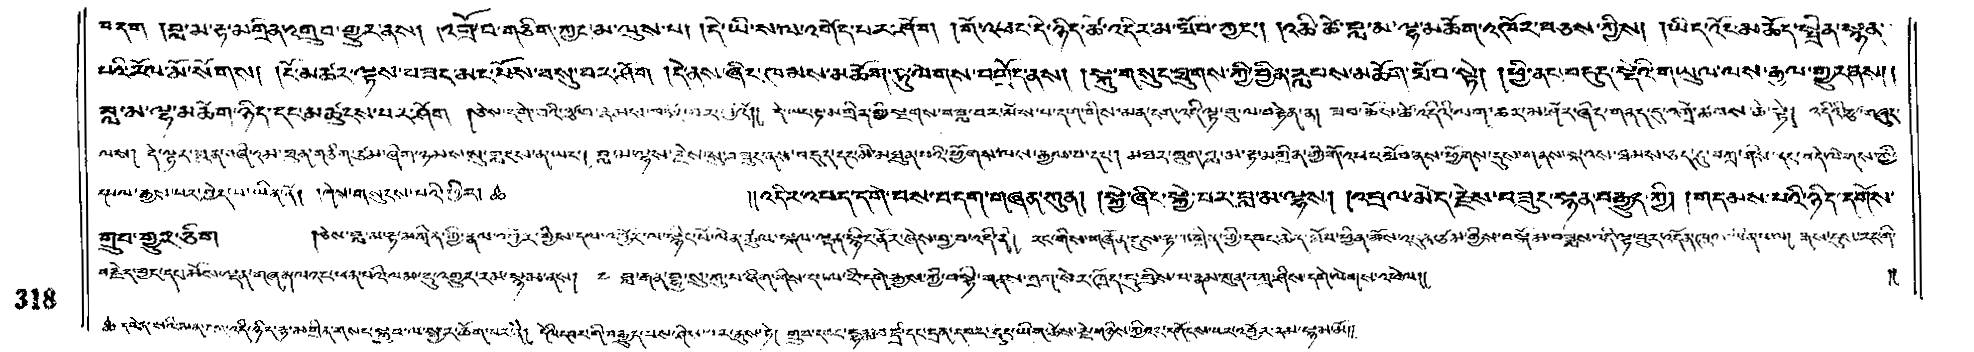བདག །བླ་མ་རྟ་མགྲིན་འགྲུབ་གྱུར་ནས། །འགྲོ་བ་གཅིག་ཀྱང་མ་ལུས་པ། །དེ་ཡི་ས་ལ་འགོད་པར་ཤོག །གོ་འཕང་དེ་ཉིད་ཚེ་འདིར་མ་ཐོབ་ཀྱང་། །འཆི་ཚེ་བླ་མ་ལྷ་མཆོག་འཁོར་བཅས་ཀྱིས། །ཡིད་འོང་མཆོད་སྤྲིན་སྙན་
པའི་རོལ་མོ་སོགས། །ངོ་མཚར་ལྟས་བཟང་མང་པོས་བསུ་བར་ཤོག །དེ་ནས་ཞིང་ཁམས་མཆོག་ཏུ་ལེགས་བགྲོད་ནས། །སྐུ་གསུང་ཐུགས་ཀྱི་བྱིན་རླབས་མཆོག་ཐོབ་སྟེ། །ཕྱི་ནང་བདུད་སྡེའི་གཡུལ་ལས་རྒྱལ་གྱུར་ནས། །
བླ་མ་ལྷ་མཆོག་ཉིད་དང་མཚུངས་པར་ཤོག །ཅེས་དགེ་བའི་རྩ་བ་རྣམས་བསྔོ་བར་བྱའོ།། དེ་ཡང་རྟ་མགྲིན་གྱི་སྔགས་བཟླ་བར་མོས་པ་དག་གིས་མན་ངག་འདི་ལྟ་བུ་ལ་བརྟེན་ན། ཟབ་ཆོས་ཚེ་འདིའི་ལག་ཆར་མ་ཤོར་ཞིང་གནད་དུ་འགྲོ་ཚབས་ཆེ་སྟེ། འདིའི་རྩ་གཞུང་
ལས། དེ་ལྟར་ཐུན་བཞི་འམ་ཐུན་གཅིག་ཙམ་ཞིག་ཉམས་སུ་བླངས་ན་ཡང་། བླ་མ་ལྷས་རྗེས་སུ་བཟུང་ནས་བདུད་དང་མི་མཐུན་པའི་ཕྱོགས་ལས་རྒྱལ་བ་དང་། མཐར་ཐུག་བླ་མ་རྟ་མགྲིན་གྱི་གོ་འཕང་ཐོབ་ནས་ཕྱོགས་དུས་གནས་སྐབས་ཐམས་ཅད་དུ་བཀྲ་ཤིས་དང་བདེ་ལེགས་ཀྱི་
དཔལ་རྒྱས་པར་བྱེད་པ་ཡིན་ནོ། །ཞེས་གསུངས་པའི་ཕྱིར། དབེན་སའི་མན་ངག་འདི་ཉིད་རྟ་མགྲིན་གསང་སྒྲུབ་ལ་སྦྱར་ཆོག་པར་ནི། དེའི་དབང་གི་བརྒྱུད་པས་ཤིས་པར་ནུས་ཏེ། གྲུབ་དབང་དྷརྨ་བཛྲ་དང་དྲན་དབང་དྲུང་ཡིག་ཆོས་རྗེ་གཉིས་ཀྱིའང་དགོངས་པར་འབྱོར་རམ་སྙམ་མོ།། །།འདིར་འབད་དགེ་བས་བདག་གཞན་ཀུན། །སྐྱེ་ཞིང་སྐྱེ་བར་བླ་མ་ལྷས། །འབྲལ་མེད་རྗེས་བཟུང་སྙན་བརྒྱུད་ཀྱི། །གདམས་པའི་ཉིད་དགོས་
གྲུབ་གྱུར་ཅིག །ཅེས་བླ་མ་རྟ་མགྲིན་གྱི་རྣལ་འབྱོར་གྱིས་དལ་འབྱོར་ལ་སྙིང་པོ་ལེན་ཚུལ་སྐལ་ལྡན་སྙིང་ནོར་ཞེས་བྱ་བ་འདི་ནི། རང་གིས་གཞོན་དུས་རྟ་མགྲིན་གྱི་དབང་ཆེན་ཐོབ་ཕྱིན་མོས་འདུན་ཙམ་གྱིས་བསྒོམ་བཟླས་འདི་ལྟ་བུར་འདོན་ཁྲུལ་ཡིན་པ་ལ། རྒས་དུས་རང་གི་
བརྗེད་བྱང་དང་མོས་ལྡན་གཞན་ལའང་ཕན་པའི་ལམ་དུ་འགྱུར་རམ་སྙམ་ནས། ༧་བླ་རྒན་བྷུ་སུ་ཀུ་པ་ཞིག་གིས་དཔལ་རི་དགེ་རྒྱས་ཀྱི་བསྟི་གནས་བྲག་སེར་ཁྲོད་དུ་བྲིས་པ་རྣམ་ཀུན་བཀྲ་ཤིས་དགེ་ལེགས་འཕེལ།། །།